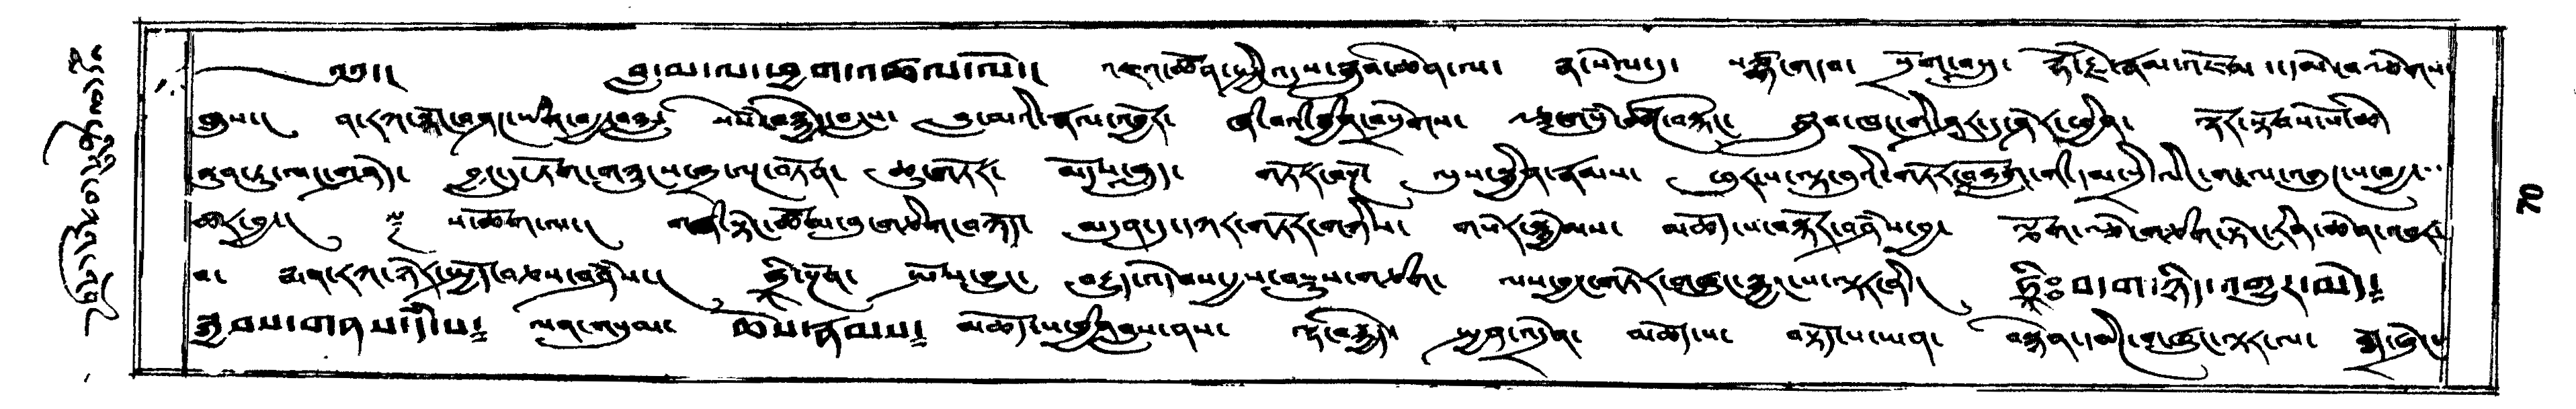བླ་་ལ་ཕྱག་འཚལ་ལོ། འཛའ་ཚོན་སྤྱི་འདུས་སྒྲུབ་ཆེན་ལ། སྣ་སེལ་དུ། སཙྪ་གདབ། སྲོག་བླུ། རྡོ་རྗེ་རྣམ་འཛོམས། དམེ་བརྩེགས་
ཁྲུས། ན་རཀ་སྐོང་བཤགས། ཡིག་བརྒྱ་བཟླ། སེམས་བསྐྱེད་བླང་། བླ་མའི་རྣལ་འབྱོར། ཞི་བའི་སྦྱིན་སྲེག རྩ་གསུམ་ཚོགས་བསྐང་། སྒྲུབ་ཁང་གི་ཤར་དུ་ཤེར་ཕྱིན། ལྷོར་སྟོབས་སོ་ཆེ། 
ནུབ་ཏུ་ལང་གཤེགས། བྱང་དུ་ཏོག་གཟུངས་གྲ་ལྔ་བཏོན། ཆུ་གཏོར། མདོས་གླུད། གཏོར་བསྔོ། ལུས་སྦྱིན་རྣམས། ཕུར་པ་ལྟ་བུའི་གཏོར་བཟློག་གི་དམ་སྲི་ལིང་ག་ལ་འགུགས་པ་བརྒྱ་
ཚར་བྱ། ༈ ས་ཆོག་ལ། གཞི་སྟེང་ཚོམ་བུ་གཅིག་བཀོད། མདུན་དུ་དཀར་གཏོར་གཉིས། གསེར་སྐྱེམས། མཆོད་པ་བསྐོར་བཤམས་བྱ། ལྕོག་རྩེ་གཅིག་སྟེང་རིན་ཆེན་འབར་
བ། སྨན་རཀ་ཉེར་སྤྱོད་བཅས་བཤམས། ཧྲཱི་སྔོན། སྤོས་ཕྱུང་། བརྒྱུད་འདེབས་རྒྱས་བསྡུས་གཅིག ལས་བྱང་གཏེར་གཞུང་སྐྱང་པ་ལྟར་ནི། ཧྲཱིཿ བདག་ཉིད་འགྱུར་མེད༴ 
སྐྱབས་གནས་དམ་པ༴ ལན་གསུམ། ཆོས་རྣམས༴ མཆོད་པ་བྱིན་རླབས་ནས། ལྷ་བསྐྱེད། སྤྱན་འདྲེན། མཆོད་པ། བསྟོད་པ་ཡན། བསྙེན་དམིགས་གཞུང་ལྟར་ལ། ཐོད་ཕྲེང་